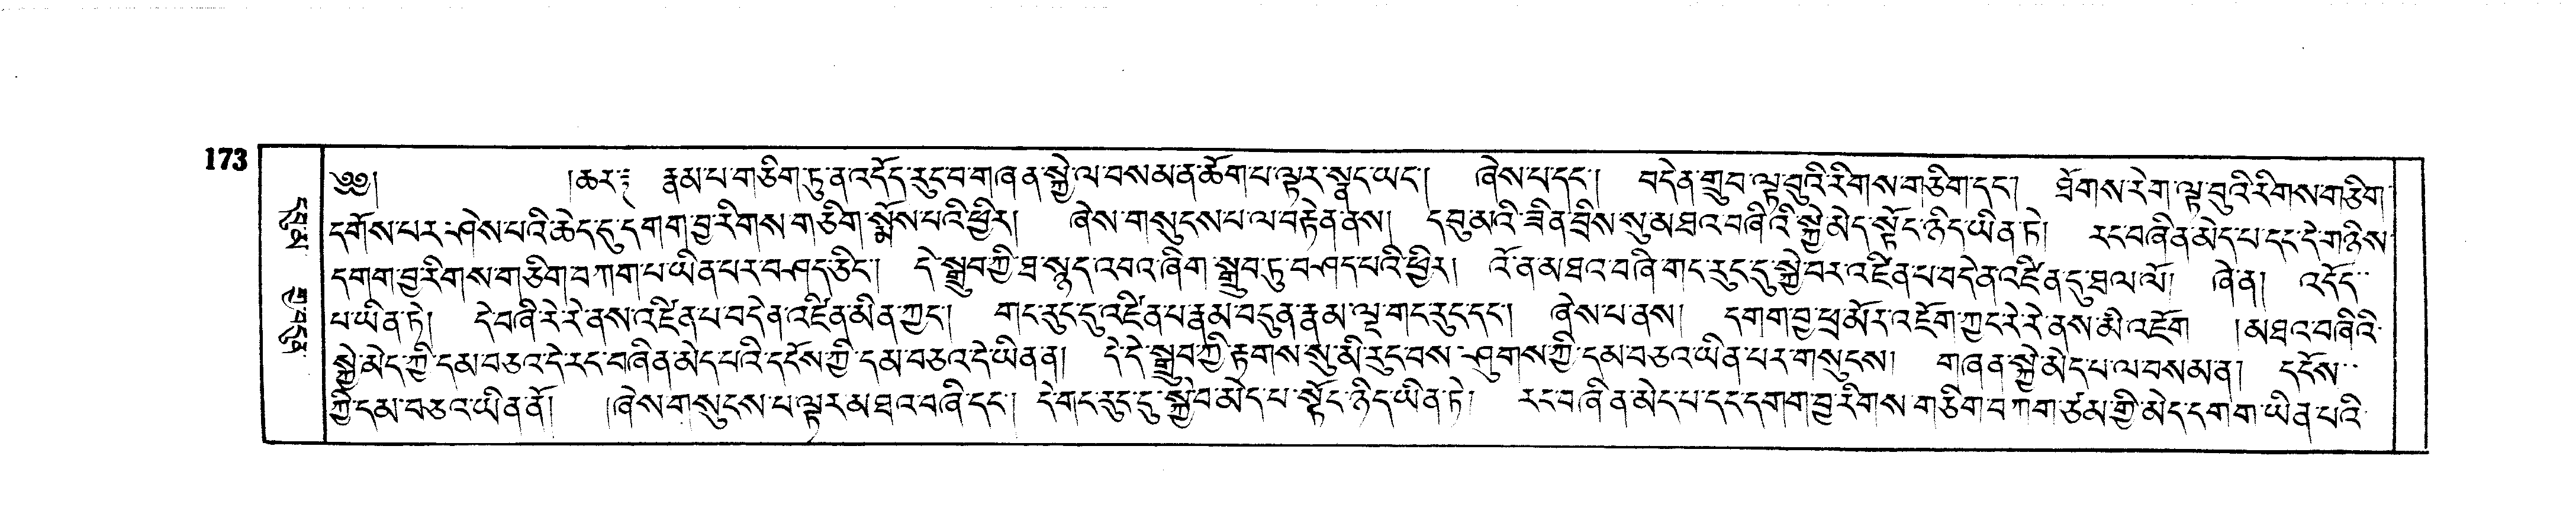༄༅། །ཆར། རྣམ་པ་གཅིག་ཏུ་ན་འདོད་རུང་བ་གཞན་སྐྱེ་ལ་བསམ་ན་ཆོག་པ་ལྟར་སྣང་ཡང་། ཞེས་པ་དང་། བདེན་གྲུབ་ལྟ་བུའི་རིགས་གཅིག་དང་། ཐོགས་རེག་ལྟ་བུའི་རིགས་གཅིག་
དགོས་པར་ཤེས་པའི་ཆེད་དུ་དགག་བྱ་རིགས་གཅིག་སྨོས་པའི་ཕྱིར། ཞེས་གསུངས་པ་ལ་བརྟེན་ནས། དབུ་མའི་ཟིན་བྲིས་སུ་མཐའ་བཞིའི་སྐྱེ་མེད་སྟོང་ཉིད་ཡིན་ཏེ། རང་བཞིན་མེད་པ་དང་དེ་གཉིས་
དགག་བྱ་རིགས་གཅིག་བཀག་པ་ཡིན་པར་བཤད་ཅིང་། དེ་སྒྲུབ་ཀྱི་ཐ་སྙད་འབའ་ཞིག་སྒྲུབ་ཏུ་བཤད་པའི་ཕྱིར། འོ་ན་མཐའ་བཞི་གང་རུང་དུ་སྐྱེ་བར་འཛིན་པ་བདེན་འཛིན་དུ་ཐལ་ལོ། ཞེ་ན། འདོད་
པ་ཡིན་ཏེ། དེ་བཞི་རེ་རེ་ནས་འཛིན་པ་བདེན་འཛིན་མིན་ཀྱང་། གང་རུང་དུ་འཛིན་པ་རྣམ་བདུན་རྣམ་ལྔ་གང་རུང་དང་། ཞེས་པ་ནས། དགག་བྱ་ཕྲ་མོར་འཇོག་ཀྱང་རེ་རེ་ནས་མི་འཇོག །མཐའ་བཞིའི་
སྐྱེ་མེད་ཀྱི་དམ་བཅའ་དེ་རང་བཞིན་མེད་པའི་དངོས་ཀྱི་དམ་བཅའ་དེ་ཡིན་ན། དེ་དེ་སྒྲུབ་ཀྱི་རྟགས་སུ་མི་རུང་བས་ཤུགས་ཀྱི་དམ་བཅའ་ཡིན་པར་གསུངས། གཞན་སྐྱེ་མེད་པ་ལ་བསམ་ན། དངོས་
ཀྱི་དམ་བཅའ་ཡིན་ནོ། །ཞེས་གསུངས་པ་ལྟར་མཐའ་བཞི་དང་། དེ་གང་རུང་དུ་སྐྱེ་བ་མེད་པ་སྟོང་ཉིད་ཡིན་ཏེ། རང་བཞིན་མེད་པ་དང་དགག་བྱ་རིགས་གཅིག་བཀག་ཙམ་གྱི་མེད་དགག་ཡིན་པའི་